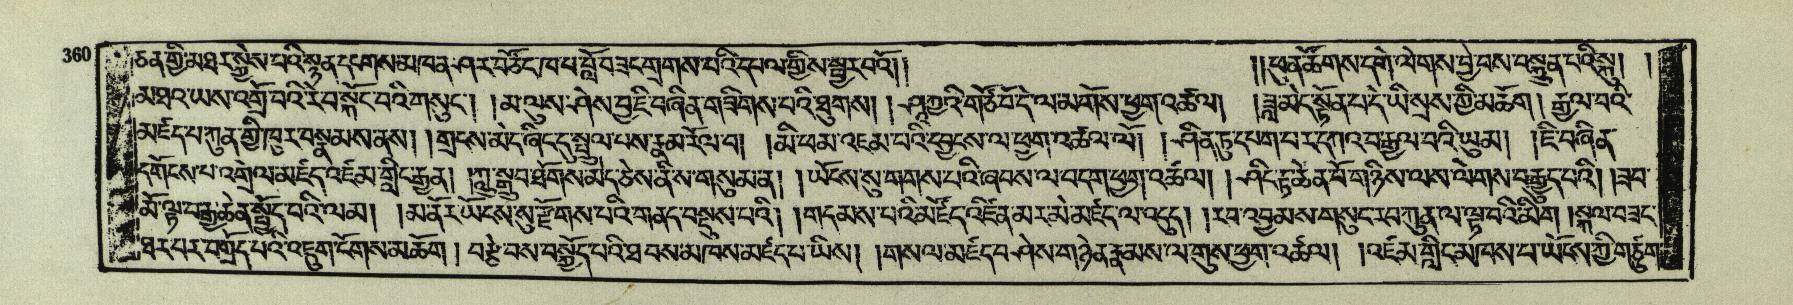ཅན་གྱི་མཐར་སྐྱེས་པའི་སྙན་དངགས་མཁན་ཤར་བཙོང་ཁ་པ་བློ་བཟང་གྲགས་པའི་དཔལ་གྱིས་སྦྱར་བའོ།། །།ཕུན་ཚོགས་དགེ་ལེགས་བྱེ་བས་བསྐྲུན་པའི་སྐུ། །
མཐའ་ཡས་འགྲོ་བའི་རེ་བ་སྐོང་བའི་གསུང་། །མ་ལུས་ཤེས་བྱ་ཇི་བཞིན་གཟིགས་པའི་ཐུགས། །ཤཱཀྱའི་གཙོ་བོ་དེ་ལ་མགོས་ཕྱག་འཚལ། །ཟླ་མེད་སྟོན་པ་དེ་ཡི་སྲས་ཀྱི་མཆོག། རྒྱལ་བའི་
མཛད་པ་ཀུན་གྱི་ཁུར་བསྣམས་ནས། །གྲངས་མེད་ཞིང་དུ་སྤྲུལ་པས་རྣམ་རོལ་བ། །མི་ཕམ་འཇམ་པའི་དབྱངས་ལ་ཕྱག་འཚལ་ལོ། །ཤིན་ཏུ་དཔག་པར་དཀའ་བ་རྒྱལ་བའི་ཡུམ། །ཇི་བཞིན་
དགོངས་པ་འགྲེལ་མཛད་འཛམ་གླིང་རྒྱན། །ཀླུ་སྒྲུབ་ཐོགས་མེད་ཅེས་ནི་ས་གསུམ་ན། །ཡོངས་སུ་གགས་པའི་ཞབས་ལ་བདག་ཕྱག་འཚལ། །ཤིང་རྟ་ཆེན་པོ་གཉིས་ལས་ལེགས་བརྒྱུད་པའི། །ཟབ་
མོ་ལྟ་བ་རྒྱ་ཆེན་སྤྱོད་པའི་ལམ། །མ་ནོར་ཡོངས་སུ་རྫོགས་པའི་གནད་བསྡུས་པའི། །གདམས་པའི་མཛོད་འཛིན་མར་མེ་མཛད་ལ་འདུད། །རབ་འབྱམས་གསུང་རབ་ཀུན་ལ་ལྟ་བའི་མིག །སྐལ་བཟང་
ཐར་པར་བགྲོད་པའི་འཇུག་ངོགས་མཆོག །བརྩེ་བས་བསྐྱོད་པའི་ཐབས་མཁས་མཛད་པ་ཡིས། །གསལ་མཛད་བཤེས་གཉེན་རྣམས་ལ་གུས་ཕྱག་འཚལ། །འཛམ་གླིང་མཁས་པ་ཡོངས་ཀྱི་གཙུག་